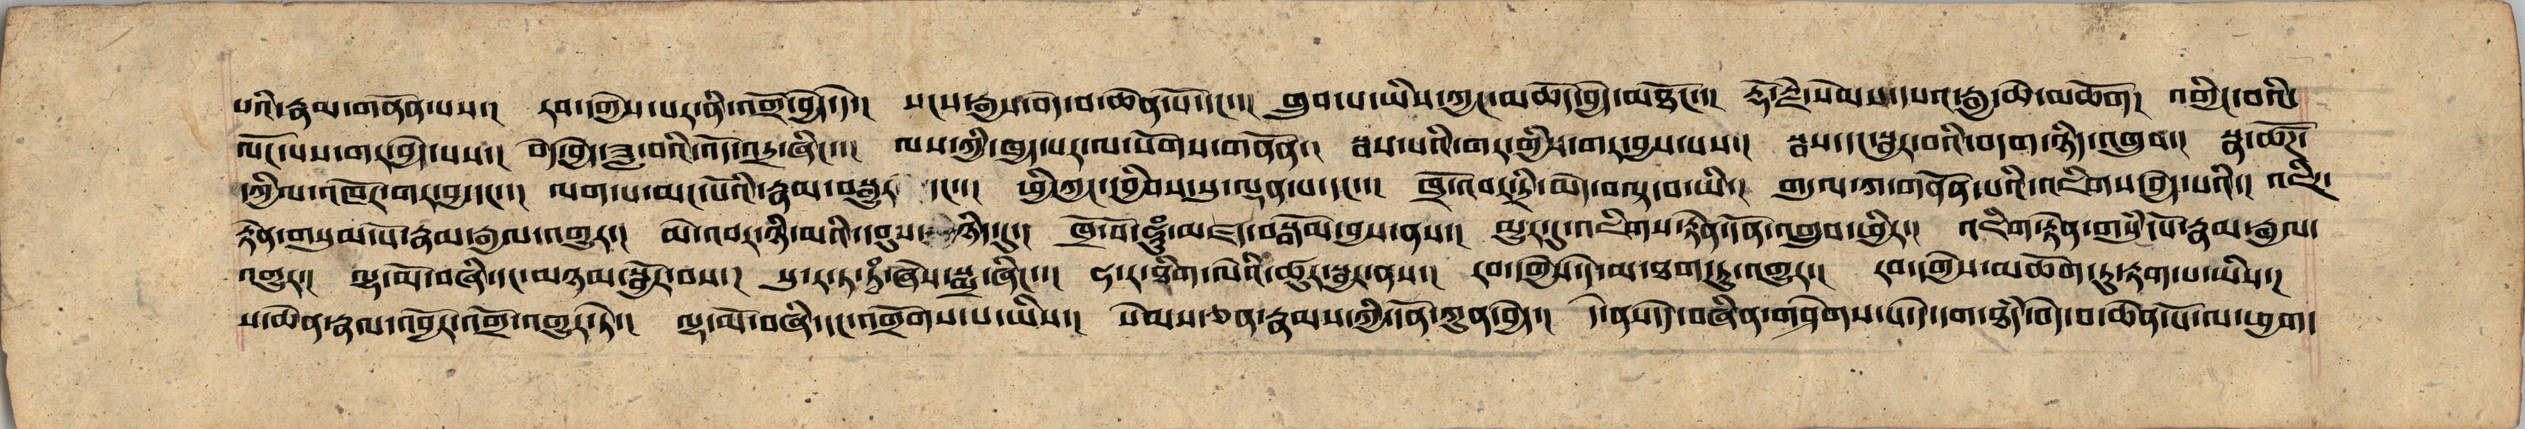པའི་རྣམ་གནོན་པས་། རབ་དགྱེས་པར་ནི་འགྲོ་བྱེད་དེ་། སངས་རྒྱས་བདེ་བ་ཆེན་པོ་དང་་། གྲུབ་པ་ཡིས་ཀྱང་མཆོད་བྱེད་མཐོང་་། རྡོ་རྗེ་སེམས་དཔའ་རྒྱ་ཆེ་མཆོག། འགྱིང་བའི་
ལོང་པས་གར་བྱེད་པས་། བདེ་བྱེད་ཟླ་བའི་འོད་འདྲ་ཞིང་་། ལས་ཀྱི་ཁྱད་པར་ལ་སོགས་གནོན་། སྦས་པའི་གར་གྱིས་གར་བྱས་པས་། སྦས་དང་སྦྱར་བའི་བདག་ཉིད་འགྲུབ་། སྣ་ཚོཌ་
དཀྱིལ་འཁོར་གར་བྱ་དང་་། ལག་པ་མང་པོའི་རྣམ་བསྒྱུར་ དང་་། ཕྱི་ཀྱང་དབྱིབས་སུ་ལྡན་པ་དང་་། ཁྲོ་འབར་དྲི་མེད་བལྟ་བ་ཡི་། གདུལ་ཀ་གནོན་པའི་འཇིགས་བྱེད་པའི་། འཇིཌ་
རྟེན་གསུམ་པོ་རྣམ་རྒྱལ་འགྱུར་། མེ་འབར་ཉི་མའི་དབུས་ ཉིད་དུ་། ཁྲོ་བོ་ཧཱུཾ་མཛད་བསྒོམ་བྱས་ནས་། མྱུར་དུ་འཇིགས་རྟེན་དོན་འགྲུབ་ཕྱིར་། འཇིག་རྟེན་གསུཾ་པོ་རྣམ་རྒྱལ་
འགྱུར་། ལྷ་མོ་བཞི་དང་མཉམ་སྦྱོར་བས་། སུ་ར་ཏ་ཏྭཾ་ཞེས་སྨྲ་ཞིང་་། ཧ་ར་ཐིག་ལེའི་ཚུར་སྦྱར་ནས་། རབ་དགྱེས་དེ་མ་ཐག་ཏུ་འགྱུར་། རབ་དགྱེས་མཆོག་ཏུ་རྟག་པ་ཡིས་།
ས་ཆེན་རྣལ་འབྱོར་འགྲོ་འགྱུར་ཏེ་། ལྷ་མོ་བཞི་དང་འགྲོགས་པ་ཡིས་། སེམས་ཅན་རྣམས་ཀྱི་དོན་ཀུན་བྱེད་། དེ་ནས་དེ་བཞིན་གཤེགས་པ་དེ་དག་ཐཾད་བདེ་བ་ཆེན་པོ་ལ་ཕྱག་